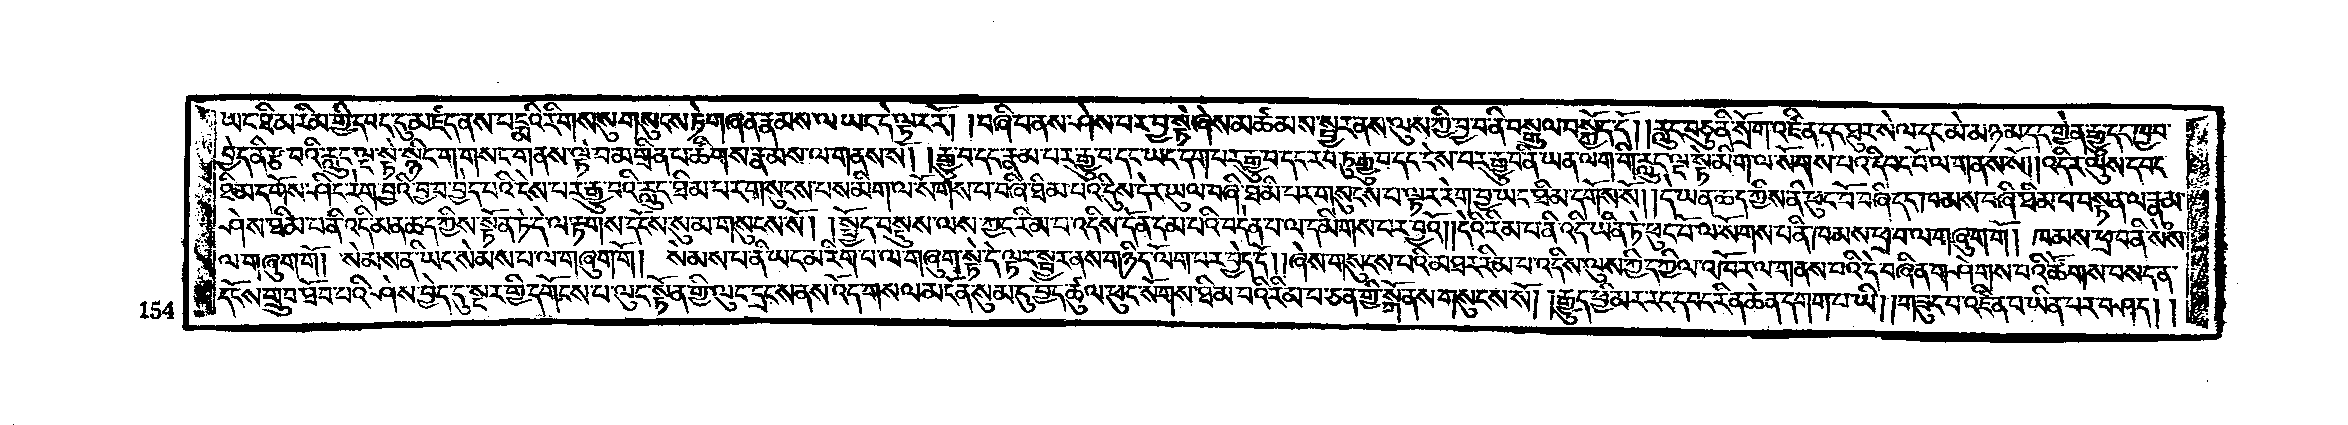ཡང་ཐིམ་རིམ་གྱི་དབང་དུ་མཛད་ནས་པདམའི་རིགས་སུ་གསུངས་ཏེ་གཞན་རྣམས་ལ་ཡང་དེ་ལྟར་རོ། །བཞི་པ་ནས་ཤེས་པར་བྱ་སྟེ་ཞེས་མཚམས་སྦྱར་ནས་ལུས་ཀྱི་བྱ་བ་ནི་བསྒུལ་བསྐྱོད་དོ། །རླུང་བཅུ་ནི་སྲོག་འཛིན་དང་ཐུར་སེལ་དང་མེ་མཉམ་དང་གྱེན་རྒྱུ་དང་ཁྱབ་
བྱེད་ནི་རྩ་བའི་རླུང་ལྔ་སྟེ་སྙིང་ག་གསང་གནས་ལྟེ་བ་མགྲིན་པ་ཚིགས་རྣམས་ལ་གནས་སོ། །རྒྱུ་བ་དང་རྣམ་པར་རྒྱུ་བ་དང་ཡང་དག་པར་རྒྱུ་བ་དང་རབ་ཏུ་རྒྱུ་བ་དང་ངེས་པར་རྒྱུ་བ་ནི་ཡན་ལག་གི་རླུང་ལྔ་སྟེ་མིག་ལ་སོགས་པའི་དབང་པོ་ལ་གནས་སོ། །འདིར་ལུས་དབང་
ཐིམ་དགོས་ཤིང་རེག་བྱའི་བྱ་བ་བྱེད་པའི་ངེས་པར་རྒྱུ་བའི་རླུང་ཐིམ་པར་གསུངས་པས་མིག་ལ་སོགས་པ་བཞི་ཐིམ་པའི་དུས་དེར་ཡུལ་བཞི་ཐིམ་པར་གསུངས་པ་ལྟར་རེག་བྱ་ཡང་ཐིམ་དགོས་སོ། །དེ་ཡན་ཆད་ཀྱིས་ནི་ཕུང་པོ་བཞི་དང་ཁམས་བཞི་ཐིམ་པ་བསྟན་ལ་རྣམ་
ཤེས་ཐིམ་པ་ནི་འདི་མན་ཆད་ཀྱིས་སྟོན་ཏེ་དེ་ལ་རྟགས་དངོས་སུ་མ་གསུངས་སོ། །སྤྱོད་བསྡུས་ལས་ཀྱང་རིམ་པ་འདིས་དོན་དམ་པའི་བདེན་པ་ལ་དམིགས་པར་བྱའོ། །དེའི་རིམ་པ་ནི་འདི་ཡིན་ཏེ་ཕུང་པོ་ལ་སོགས་པ་ནི་ཁམས་ཕྲ་བ་ལ་གཞུག་གོ །ཁམས་ཕྲ་བ་ནི་སེམས་
ལ་གཞུག་གོ །སེམས་ནི་ཡང་སེམས་པ་ལ་གཞུག་གོ །སེམས་པ་ནི་ཡང་མ་རིག་པ་ལ་གཞུག་སྟེ་དེ་ལྟར་སྦྱར་ནས་གཉིད་ལོག་པར་བྱེད་དོ། །ཞེས་གསུངས་པའི་མཐར་རིམ་པ་འདིས་ལུས་ཀྱི་དཀྱིལ་འཁོར་ལ་གནས་པའི་དེ་བཞིན་གཤེགས་པའི་ཚོགས་བསད་ན་
དངོས་གྲུབ་ཐོབ་པའི་ཤེས་བྱེད་དུ་སྔར་གྱི་དགོངས་པ་ལུང་སྟོན་གྱི་ལུང་དྲངས་ནས་འོད་གསལ་མངོན་སུམ་དུ་བྱེད་ཚུལ་ཕུང་སོགས་ཐིམ་པའི་རིམ་པ་ཅན་གྱི་སྒོ་ནས་གསུངས་སོ། །རྒྱུད་ཕྱི་མར་རང་དབང་རིན་ཆེན་དགག་པ་ཡི། །གཟུང་བ་འཛིན་པ་ཡིན་པར་བཤད། །